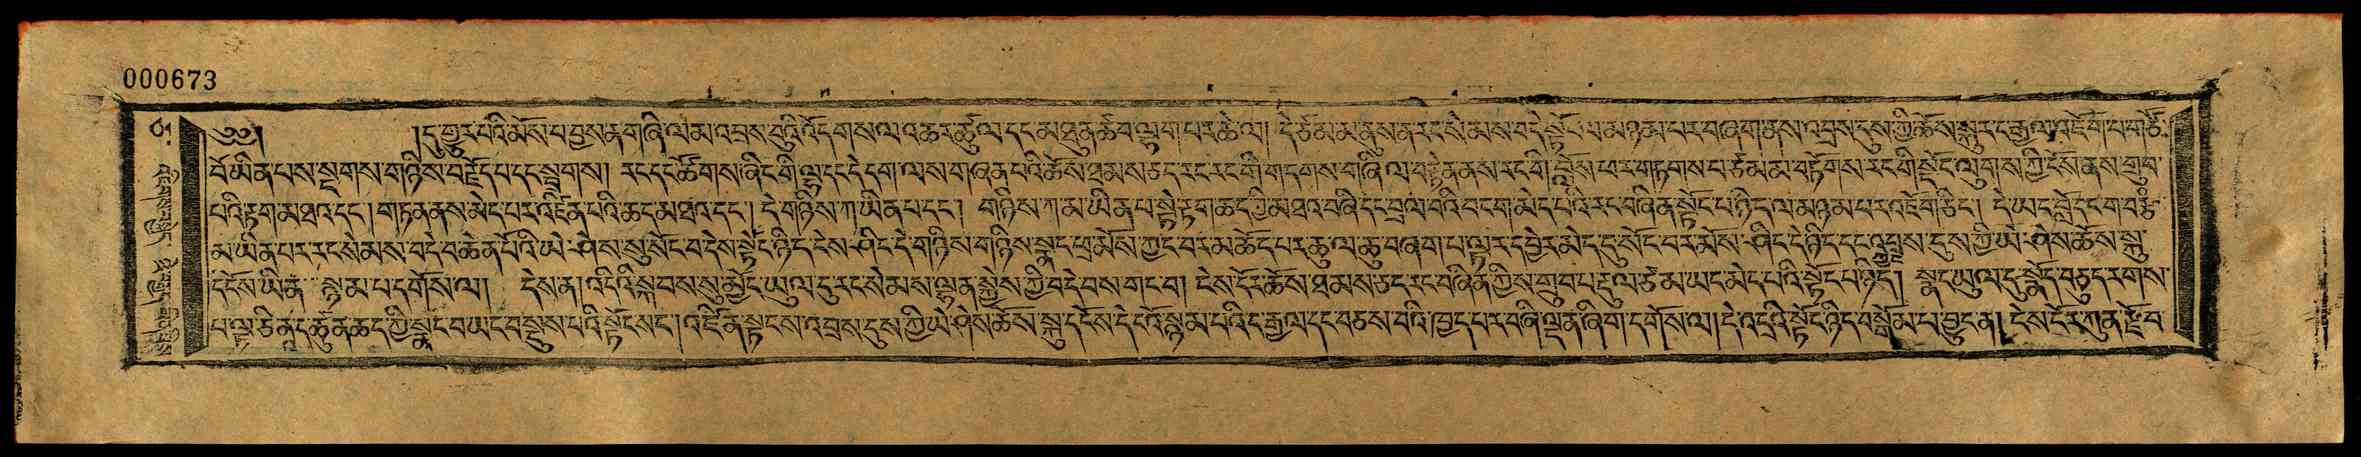༄༅། །དུ་གྱུར་པའི་མོས་པ་བྱས་ན་གཞི་ལམ་འབྲས་བུའི་འོད་གསལ་འཆར་ཚུལ་དང་མཐུན་ཚབ་ལྷག་པར་ཆེ་ལ། དེ་ཙམ་མ་ནུས་ན་རང་སེམས་བདེ་སྟོང་ལ་མཉམ་པར་བཞག་ནས་འབྲས་དུས་ཀྱི་ཆོས་སྐུར་ང་རྒྱལ་འཇོག་པ་གཙོ་
བོ་ཡིན་པས་སྔགས་གཉིས་བརྗོད་པ་དང་སྦྲགས། རང་དང་ཚོགས་ཞིང་གི་ལྷ་དང་དེ་དག་ལས་གཞན་པའི་ཆོས་ཐམས་ཅད་རང་རང་གི་གདགས་གཞི་ལ་བརྟེན་ནས་རང་གི་བློས་ཕར་བཏགས་པ་ཙམ་མ་བཏོགས་རང་གི་སྡོད་ལུགས་ཀྱི་ངོས་ནས་གྲུབ་
པའི་རྟག་མཐའ་དང་། གཏན་ནས་མེད་པར་འཛིན་པའི་ཆད་མཐའ་དང་། དེ་གཉིས་ཀ་ཡིན་པ་དང་། གཉིས་ཀ་མ་ཡིན་པ་སྟེ་རྟག་ཆད་ཀྱི་མཐའ་བཞི་དང་བྲལ་བའི་བདག་མེད་པའི་རང་བཞིན་སྟོང་པ་ཉིད་ལ་མཉམ་པར་འཇོག་ཅིང་། དེ་ཡང་བློ་རང་ག་བ་ཙཾ་
མ་ཡིན་པར་རང་སེམས་བདེ་བ་ཆེན་པོའི་ཡེ་ཤེས་སུ་སོང་བ་དེས་སྟོང་ཉིད་ངེས་ཤིང་དེ་གཉིས་གཉིས་སྣང་ཕྲ་མོས་ཀྱང་བར་མ་ཆོད་པར་ཆུ་ལ་ཆུ་བཞག་པ་ལྟར་དབྱེར་མེད་དུ་སོང་བར་མོས་ཤིང་དེ་ཉིད་ཀྱང་འབྲས་དུས་ཀྱི་ཡེ་ཤེས་ཆོས་སྐུ་
དངོས་ཡིན་སྙམ་པ་དགོས་ལ། དེས་ན། འདིའི་སྐབས་སུ་མྱོང་ཡུལ་དུ་རང་སེམས་ལྷན་སྐྱེས་ཀྱི་བདེ་བས་གདབ། ངེས་ངོར་ཆོས་ཐམས་ཅད་རང་བཞིན་གྱིས་གྲུབ་པ་རྡུལ་ཙམ་ཡང་མེད་པའི་སྟོང་པ་ཉིད། སྣང་ཡུལ་དུ་སྣོད་བཅུད་རགས་
བ་ལྟ་ཅི་ནཱ་ད་ཚུན་ཆད་ཀྱི་སྣང་བ་ཡང་བསྡུས་པའི་སྟོང་སང་། འཛིན་སྟངས་འབྲས་དུས་ཀྱི་ཡེ་ཤེས་ཆོས་སྐུ་དངོས་དེ་ངའོ་སྙམ་པའི་ང་རྒྱལ་དང་བཅས་པའི་ཁྱད་པར་བཞི་ལྡན་ཞིག་དགོས་ལ། དེ་འདྲའི་སྟོང་ཉིད་བསྒོམ་པ་བྱུང་ན། ངེས་ངོར་ཀུན་རྫོབ་